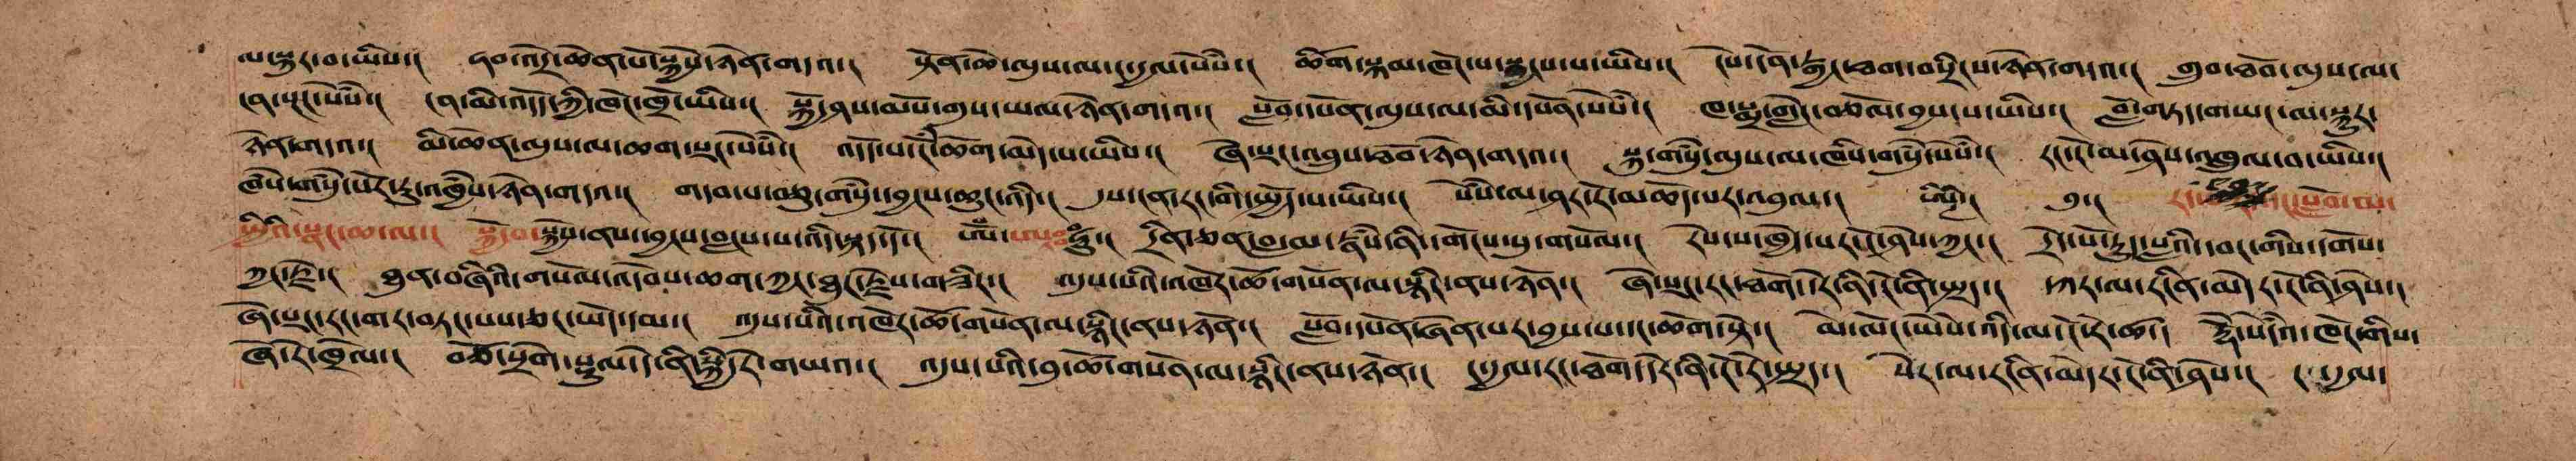ལ་བསྐུར་བ་ཡིས།། ཧབ་འདྲེ་ཆེན་པོ་སྐྱེས་ཉེན་གདའ།། སྟོན་ཆེ་ཆེན་ལུས་ལ་ང་རྒྱལ་སེམས།། ཚིག་སྐམ་ཁོང་པ་སྒྱངས་པ་ཡིས།། ངེས་དོན་རྒྱང་ཐག་བསྲིངས་ཉེན་གདའ།། གྲུབ་ཐོབ་ལུས་ལ་
ངན་སྔགས་སེམས།། ངན་མི་འདོད་ཀྱི་ཁོང་ཁྲོ་ཡིས།། སྐྱོ་ཤས་མོས་གུས་ཡལ་ཉེན་གདའ།། སློབ་དཔོན་ལུས་ལ་མི་དཔོན་སེམས།། ཁ་སྨྲ་གླེང་བཅོལ་བྱས་པ་ཡིས།། བློ་གཏད་གཡང་ལ་སྐྱུར་
ཉེན་གདའ།། མི་ཆེན་ལུས་ལ་ཆགས་སྡང་སེམས།། འདོད་པ་ངོམ་ཆོག་མེད་པ་ཡིས།། ཞེ་སྡང་འབྲས་བུ་ཐོབ་ཉེན་གདའ།། སྐུ་གསུམ་ལུས་ལ་ཁམས་གསུམ་སེམས།། རང་ངོ་མ་ཤེས་འཁྲུལ་པ་ཡིས།། 
ཁམས་གསུམ་པོར་རུ་འཁྱམས་ཉེན་གདའ།། གདབ་པ་བཅུ་གསུམ་དབྱངས་ཆུང་འདི།། དུས་ངན་རང་གི་སྤྱོད་པ་ཡིས།། སེམས་ལ་ཤར་རོ་མཆོད་པར་འབུལ།། ཨིཊི།། ༄་། རང་དང་སློབ་མ་
སྤྱིའི་སྣང་ཆ་ལ།། སྐྱོ་བ་སྐྱེས་ནས་དབྱངས་བླངས་པ་འདི་སྐད་དོ།། ཨོཾ་ཨཱཿཧཱུཾ།། དྲིན་ཅན་བླ་མ་རྣམས་ནི་དགོངས་སུ་གསོལ།། རེ་ས་ཁྱོད་པར་ངོ་ཤེས་ཀྱང་།། དྲེད་པོ་རྒྱུད་སླའི་ད་དབང་གིས་དགོས་
ཀྱང་རྗེ།། ཐུན་བཞིའི་གསོལ་འདེབས་ཆག་ཀྱང་ཐུགས་རྗེས་གཟིགས།། འདུས་པའི་འཁོར་ཚོ་གསོན་ལ་སྙིང་ནས་ཉོན།། ཞེ་སྡང་རང་ཐོག་རེ་ནི་ངོ་ནི་སྤྲད།། དཀར་ལ་རང་བཞིན་མེད་པར་ངོ་ནི་ཤེས།། 
ཞེ་སྡང་རང་གར་བཏང་པས་ཅང་ཡོད་དམ།། འདུས་པའི་འཁོར་ཚོ་གསོན་ལ་སྙིང་ནས་ཉོན།། སློབ་དཔོན་ཞེན་པར་བྱས་པ་དང་ཆོག་སྟེ། མེ་ལོང་ཡེ་ཤེས་འདི་ལ་ངོ་རེ་ཚ།། རྡོ་རྗེ་སེམས་དཔའ་ཁོང་གིས་
ཞེ་རེ་ཁྲེལ།། བཙོ་སྲེག་སྡུག་བསྔལ་དེ་ནི་སྐྱི་རེ་གཡའ།། འདུས་པའི་བུ་ཚོ་གསོན་ལ་སྙིང་ནས་ཉོན།། ང་རྒྱལ་རང་ཐོག་དེར་ནི་ངོ་རེ་སྤྲད།། སེར་ལ་རང་བཞིན་མེད་པར་ངོ་ནི་ཤེས།། ང་རྒྱལ་